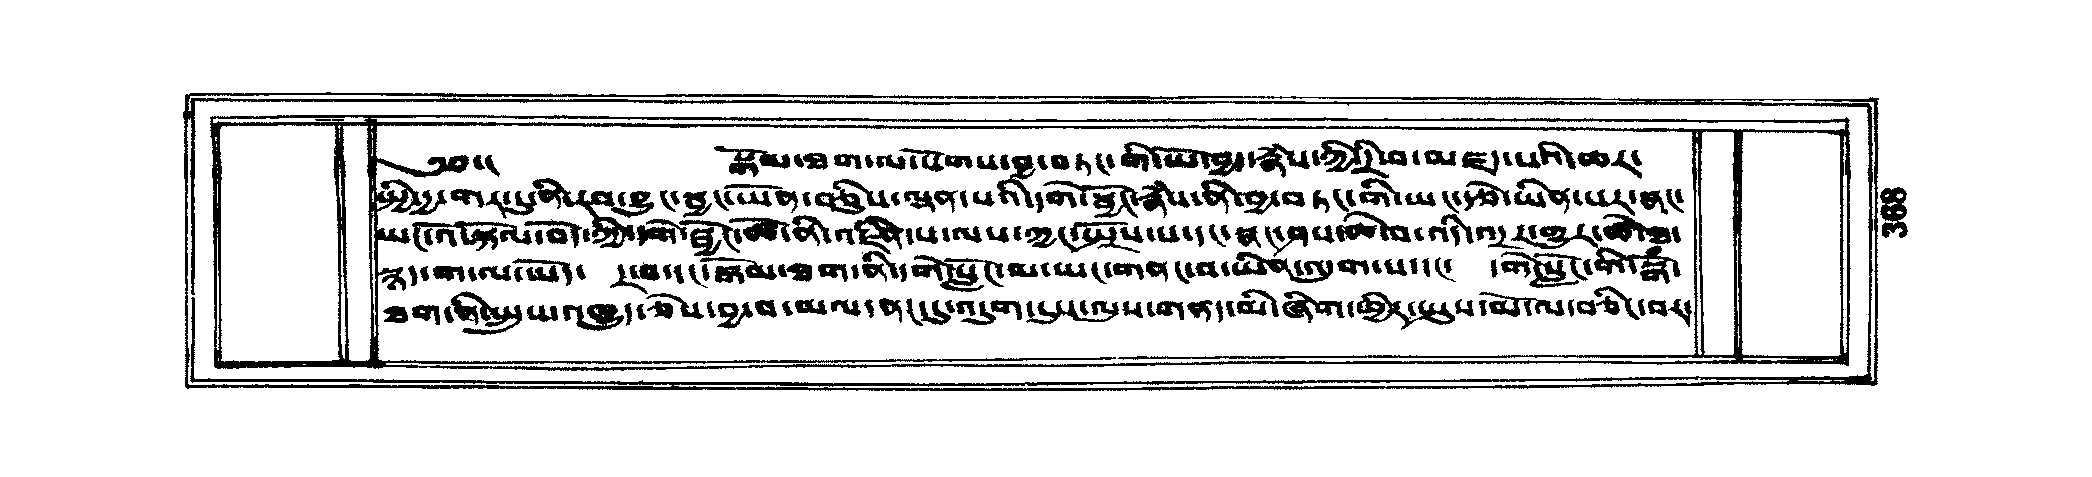སྒོམ་ཐག་ལ་སོགས་བྱ་བཏང་གི་ཡོ་བྱད་རྣམས་ཀྱི་དྲི་བ་མཛད་པའི་ཆར་
སྤྱི་རྒྱ་གར་དུ་ནི་རབ་བྱུང་སྦྱང་ཡོན་བཅུ་གཉིས་ལནད་པའི་དགེ་སྦྱོང་རྣམས་ནི་བྱ་བཏང་གི་ཡང་རྩེ་ཡིན་པར་སྣང་
ཡང་འོ་སྐོལ་བོད་ཀྱི་དགེ་སྦྱོང་ཚེ་ནི་འཇིག་རྟེན་པ་ལས་ཀྱང་སྤྲོས་པ་དང་སྣང་ཤས་ཆེ་བ་འདི་འདྲར་གྱུར་ཚེ་ཐ་
སྙད་ག་ལ་ཡོད། དྲ་བ་དང་སྒོམ་ཐག་ནི་དགེ་སློང་མ་ཡག་གནས་བ་ཡིན་འདུག་པ་དང་། དགེ་སློང་གི་སྒོམ་
ཐག་ནི་སྤུས་འཁྱུད་ཅེས་བྱ་བ་མལ་ནང་དུ་འདུག་དུས་ལུས་གནད་མི་ཞིག་ཕྱིར་སྤུས་མོ་ལ་བཅིང་བར་